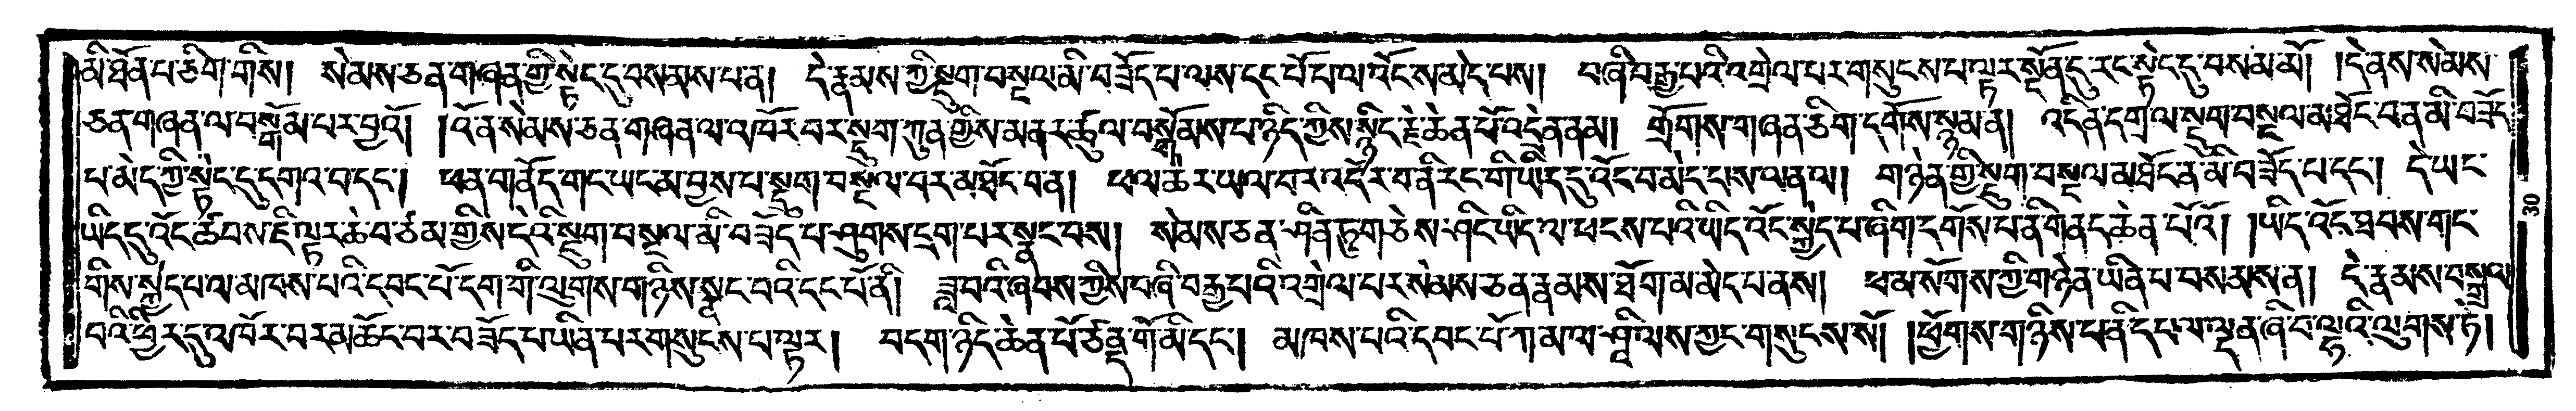མི་ཐོན་པ་ཅིག་གིས། སེམས་ཅན་གཞན་གྱི་སྟེང་དུ་བསམས་པ་ན། དེ་རྣམས་ཀྱི་སྡུག་བསྔལ་མི་བཟོད་པ་ལས་དང་པོ་པ་ལ་འོང་མེད་པས། བཞི་བརྒྱ་པའི་འགྲེལ་པར་གསུངས་པ་ལྟར་སྔོན་དུ་རང་སྟེང་དུ་བསམ་མོ། །དེ་ནས་སེམས་
ཅན་གཞན་ལ་བསྒོམ་པར་བྱའོ། །འོ་ན་སེམས་ཅན་གཞན་ལ་འཁོར་བར་སྡུག་ཀུན་གྱིས་མནར་ཚུལ་བསྒོམས་པ་ཉིད་ཀྱིས་སྙིང་རྗེ་ཆེན་པོ་འདྲེན་ནམ། གྲོགས་གཞན་ཅིག་དགོས་སྙམ་ན། འདི་ན་དགྲ་ལ་སྡུག་བསྔལ་མཐོང་བ་ན་མི་བཟོད་
པ་མེད་ཀྱི་སྟེང་དུ་དགའ་བ་དང་། ཕན་གནོད་གང་ཡང་མ་བྱས་པ་སྡུག་བསྔལ་བར་མཐོང་བ་ན། ཕལ་ཆེར་ཡལ་བར་འདོར་བ་ནི་རང་གི་ཡིད་དུ་འོང་བ་མེད་པས་ལན་ལ། གཉེན་གྱི་སྡུག་བསྔལ་མཐོང་ན་མི་བཟོད་པ་དང་། དེ་ཡང་
ཡིད་དུ་འོང་ཚབས་ཇི་ལྟར་ཆེ་བ་ཙམ་གྱིས་དེའི་སྡུག་བསྔལ་མི་བཟོད་པ་ཤུགས་དྲག་པར་སྣང་བས། སེམས་ཅན་ཤིན་ཏུ་གཅེས་ཤིང་ཡིད་ལ་ཕངས་པའི་ཡིད་འོང་སྐྱེད་པ་ཞིག་དགོས་པ་ནི་གནད་ཆེན་པོའོ། །ཡིད་འོང་ཐབས་གང་
གིས་སྐྱེད་པ་ལ་མཁས་པའི་དབང་པོ་དག་གི་ལུགས་གཉིས་སྣང་བའི་དང་པོ་ནི། ཟླ་བའི་ཞབས་ཀྱིས་བཞི་བརྒྱ་པའི་འགྲེལ་པར་སེམས་ཅན་རྣམས་ཐོག་མ་མེད་པ་ནས། ཕ་མ་སོགས་ཀྱི་གཉེན་ཡིན་པ་བསམས་ན། དེ་རྣམས་བསྒྲལ་
བའི་ཕྱིར་དུ་འཁོར་བར་མཆོང་པར་བཟོད་པ་ཡིན་པར་གསུངས་པ་ལྟར། བདག་ཉིད་ཆེན་པོ་ཙནྡྲ་གོ་མི་དང་། མཁས་པའི་དབང་པོ་ཀ་མ་ལ་ཤཱི་ལས་ཀྱང་གསུངས་སོ། །ཕྱོགས་གཉིས་པ་ནི་དཔལ་ལྡན་ཞི་བ་ལྷའི་ལུགས་ཏེ།